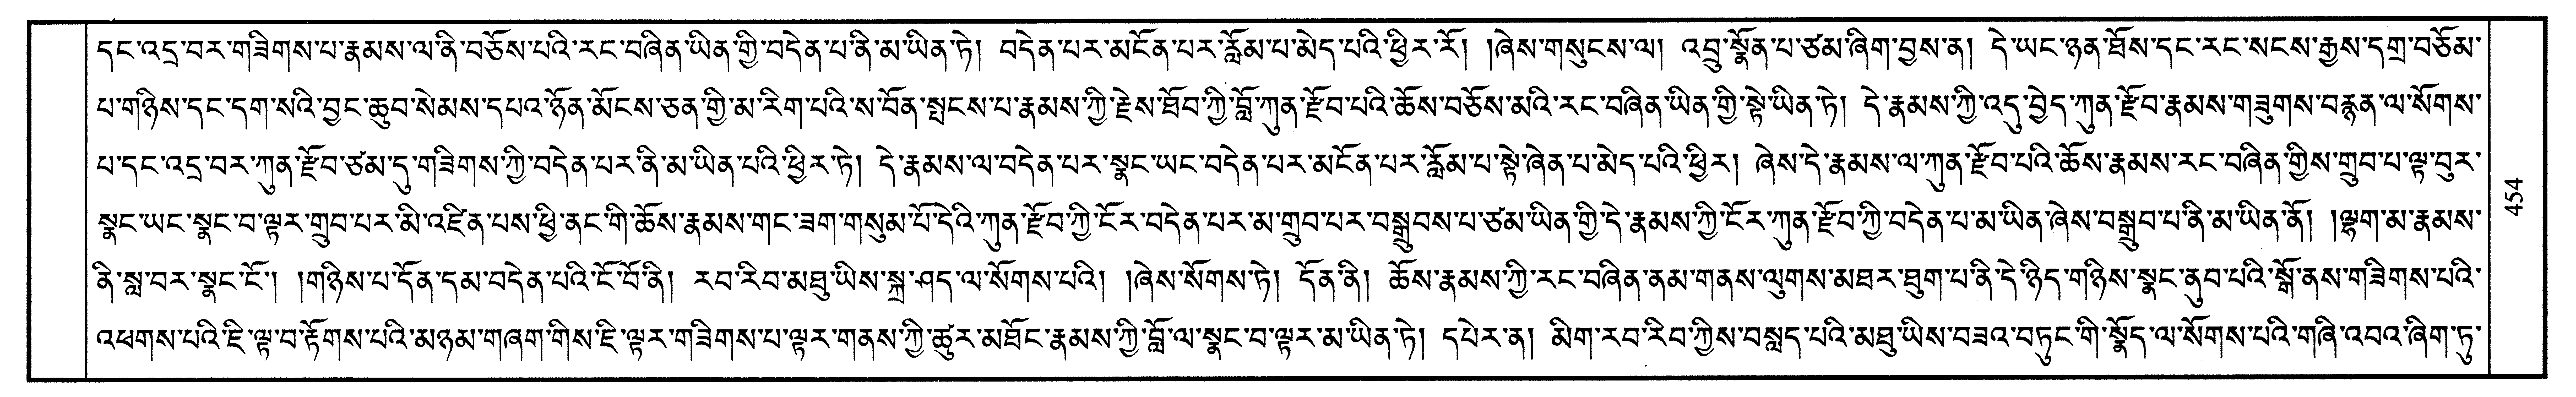དང་འདྲ་བར་གཟིགས་པ་རྣམས་ལ་ནི་བཅོས་པའི་རང་བཞིན་ཡིན་གྱི་བདེན་པ་ནི་མ་ཡིན་ཏེ། བདེན་པར་མངོན་པར་རློམ་པ་མེད་པའི་ཕྱིར་རོ། །ཞེས་གསུངས་ལ། འབྲུ་སྣོན་པ་ཙམ་ཞིག་བྱས་ན། དེ་ཡང་ཉན་ཐོས་དང་རང་སངས་རྒྱས་དགྲ་བཅོམ་
པ་གཉིས་དང་དག་སའི་བྱང་ཆུབ་སེམས་དཔའ་ཉོན་མོངས་ཅན་གྱི་མ་རིག་པའི་ས་བོན་སྤངས་པ་རྣམས་ཀྱི་རྗེས་ཐོབ་ཀྱི་བློ་ཀུན་རྫོབ་པའི་ཆོས་བཅོས་མའི་རང་བཞིན་ཡིན་གྱི་སྟེ་ཡིན་ཏེ། དེ་རྣམས་ཀྱི་འདུ་བྱེད་ཀུན་རྫོབ་རྣམས་གཟུགས་བརྙན་ལ་སོགས་
པ་དང་འདྲ་བར་ཀུན་རྫོབ་ཙམ་དུ་གཟིགས་ཀྱི་བདེན་པར་ནི་མ་ཡིན་པའི་ཕྱིར་ཏེ། དེ་རྣམས་ལ་བདེན་པར་སྣང་ཡང་བདེན་པར་མངོན་པར་རློམ་པ་སྟེ་ཞེན་པ་མེད་པའི་ཕྱིར། ཞེས་དེ་རྣམས་ལ་ཀུན་རྫོབ་པའི་ཆོས་རྣམས་རང་བཞིན་གྱིས་གྲུབ་པ་ལྟ་བུར་
སྣང་ཡང་སྣང་བ་ལྟར་གྲུབ་པར་མི་འཛིན་པས་ཕྱི་ནང་གི་ཆོས་རྣམས་གང་ཟག་གསུམ་པོ་དེའི་ཀུན་རྫོབ་ཀྱི་ངོར་བདེན་པར་མ་གྲུབ་པར་བསྒྲུབས་པ་ཙམ་ཡིན་གྱི་དེ་རྣམས་ཀྱི་ངོར་ཀུན་རྫོབ་ཀྱི་བདེན་པ་མ་ཡིན་ཞེས་བསྒྲུབ་པ་ནི་མ་ཡིན་ནོ། །ལྷག་མ་རྣམས་
ནི་སླ་བར་སྣང་ངོ། །གཉིས་པ་དོན་དམ་བདེན་པའི་ངོ་བོ་ནི། རབ་རིབ་མཐུ་ཡིས་སྐྲ་ཤད་ལ་སོགས་པའི། །ཞེས་སོགས་ཏེ། དོན་ནི། ཆོས་རྣམས་ཀྱི་རང་བཞིན་ནམ་གནས་ལུགས་མཐར་ཐུག་པ་ནི་དེ་ཉིད་གཉིས་སྣང་ནུབ་པའི་སྒོ་ནས་གཟིགས་པའི་
འཕགས་པའི་ཇི་ལྟ་བ་རྟོགས་པའི་མཉམ་གཞག་གིས་ཇི་ལྟར་གཟིགས་པ་ལྟར་གནས་ཀྱི་ཚུར་མཐོང་རྣམས་ཀྱི་བློ་ལ་སྣང་བ་ལྟར་མ་ཡིན་ཏེ། དཔེར་ན། མིག་རབ་རིབ་ཀྱིས་བསླད་པའི་མཐུ་ཡིས་བཟའ་བཏུང་གི་སྣོད་ལ་སོགས་པའི་གཞི་འབའ་ཞིག་ཏུ་